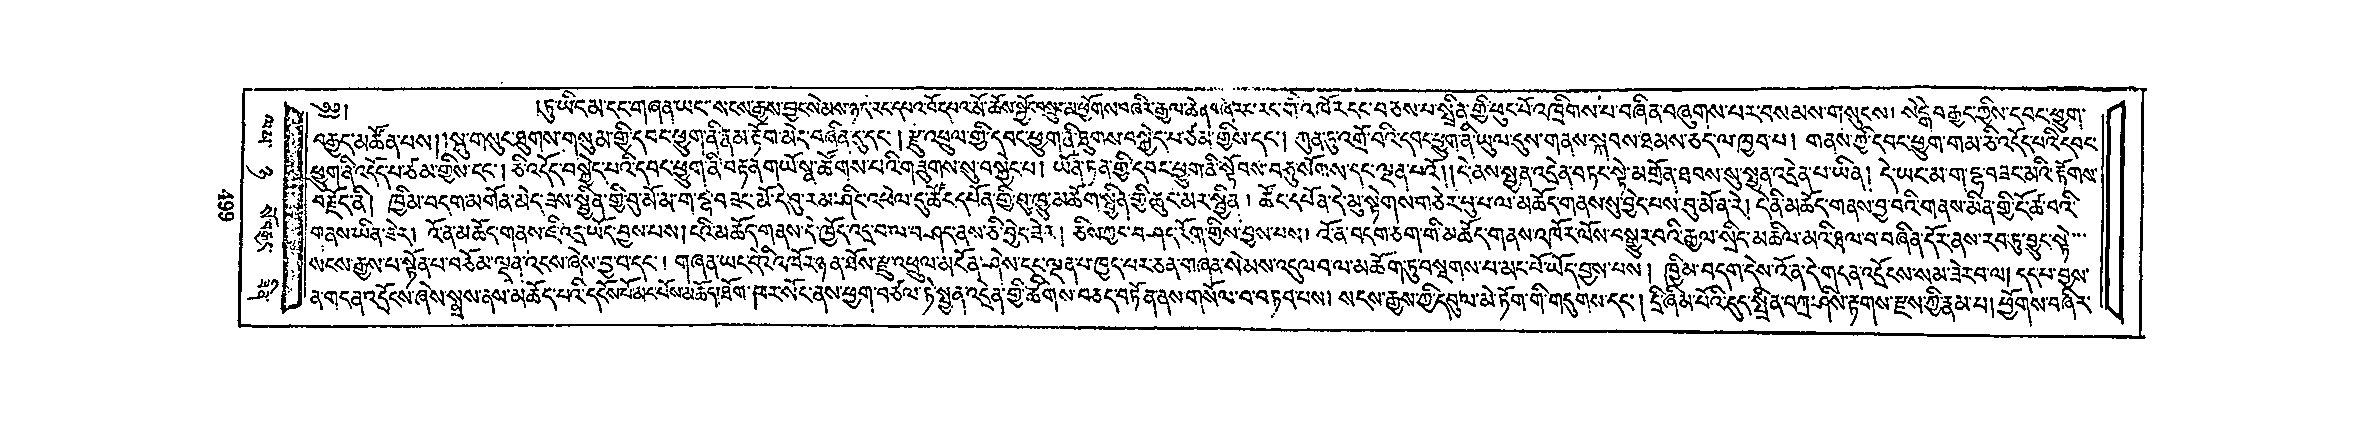༄༅། །ཏུ་ཡི་དམ་དང་གཞན་ཡང་སངས་རྒྱས་བྱང་སེམས་ཉན་རང་དཔའ་བོ་དཔའ་མོ་ཆོས་སྐྱོང་བསྲུང་མ་ཕྱོགས་བཞིར་རྒྱལ་ཆེན་བཞི་རང་རང་གི་འཁོར་དང་བཅས་པ་སྤྲིན་གྱི་ཕུང་པོ་འཁྲིགས་པ་བཞིན་བཞུགས་པར་བསམས་གསུངས། སཻངྒེ་བརྒྱད་ཀྱིས་དབང་ཕྱུག་
བརྒྱད་མཚོན་པས། །སྐུ་གསུང་ཐུགས་གསུམ་གྱི་དབང་ཕྱུག་ནི་རྣམ་རྟོག་མེད་བཞིན་དུ་དང་། རྫུ་འཕྲུལ་གྱི་དབང་ཕྱུག་ནི་ཐུགས་བསྐྱེད་པ་ཙམ་གྱིས་དང་། ཀུན་ཏུ་འགྲོ་བའི་དབང་ཕྱུག་ནི་ཡུལ་དུས་གནས་སྐབས་ཐམས་ཅད་ལ་ཁྱབ་པ། གནས་ཀྱི་དབང་ཕྱུག་གམ་ཅི་འདོད་པའི་དབང་
ཕྱུག་ནི་འདོད་པ་ཙམ་གྱིས་དང་། ཅི་འདོད་བསྐྱེད་པའི་དབང་ཕྱུག་ནི་བརྟན་གཡོ་སྣ་ཚོགས་པའི་གཟུགས་སུ་བསྐྱེད་པ། ཡོན་ཏན་གྱི་དབང་ཕྱུག་ནི་སྟོབས་བཅུ་སོགས་དང་ལྡན་པའོ། །དེ་ནས་སྤྱན་འདྲེན་བཏང་སྟེ་མགྲོན་ཐབས་སུ་སྤྱན་འདྲེན་པ་ཡིན། དེ་ཡང་མ་ག་དྷ་བཟང་མའི་རྟོགས་
བརྗོད་ནི། ཁྱིམ་བདག་མགོན་མེད་ཟས་སྦྱིན་གྱི་བུ་མོ་མ་ག་དྷ་བཟང་མོ་དེ་བུ་རམ་ཤིང་འཕེལ་དུ་ཚོང་དཔོན་གྱི་བུ་ཁྱུ་མཆོག་སྦྱིན་གྱི་ཆུང་མར་སྦྱིན། ཚོང་དཔོན་དེ་མུ་སྟེགས་གཅེར་པུ་པ་ལ་མཆོད་གནས་སུ་བྱེད་པས་བུ་མོ་ན་རེ། དེ་ནི་མཆོད་གནས་བྱ་བའི་གནས་མིན་གྱི་ངོ་ཚ་བའི་
གནས་ཡིན་ཟེར། འོ་ན་མཆོད་གནས་ཇི་འདྲ་ཡོད་བྱས་པས། ངའི་མཆོད་གནས་དེ་ཁྱོད་འདྲ་བ་ལ་བཤད་ནས་ཅི་བྱེད་ཟེར། ཅིས་ཀྱང་བཤད་རོག་གྱིས་བྱས་པས། འོ་ན་བདག་ཅག་གི་མཆོད་གནས་འཁོར་ལོས་བསྒྱུར་བའི་རྒྱལ་སྲིད་མཆིལ་མའི་ཐལ་བ་བཞིན་དོར་ནས་རབ་ཏུ་བྱུང་སྟེ་
སངས་རྒྱས་པ་སྟོན་པ་བཅོམ་ལྡན་འདས་ཞེས་བྱ་བ་དང་། གཞན་ཡང་དེའི་འཁོར་ཉན་ཐོས་རྫུ་འཕྲུལ་མངོན་ཤེས་དང་ལྡན་པ་ཁྱད་པར་ཅན་གཞན་སེམས་འདུལ་བ་ལ་མཆོག་ཏུ་བསྔགས་པ་མང་པོ་ཡོད་བྱས་པས། ཁྱིམ་བདག་དེས་འོ་ན་དེ་གདན་འདྲོངས་སམ་ཟེར་བ་ལ། དད་པ་བྱས་
ན་གདན་འདྲོངས་ཞེས་སྨྲས་ནས་མཆོད་པའི་དངོས་པོ་མང་པོས་མཆོད། ཐོག་ཁར་སོང་ནས་ཕྱག་བཙལ་ཏེ་སྤྱན་འདྲེན་གྱི་ཚིགས་བཅད་བཏོན་ནས་གསོལ་བ་བཏབ་པས། སངས་རྒྱས་ཀྱི་དབུ་ལ་མེ་ཏོག་གི་གདུགས་དང་། དྲི་ཞིམ་པོའི་དུད་སྤྲིན་བཀྲ་ཤིས་རྟགས་རྫས་ཀྱི་རྣམ་པ། ཕྱོགས་བཞིར་